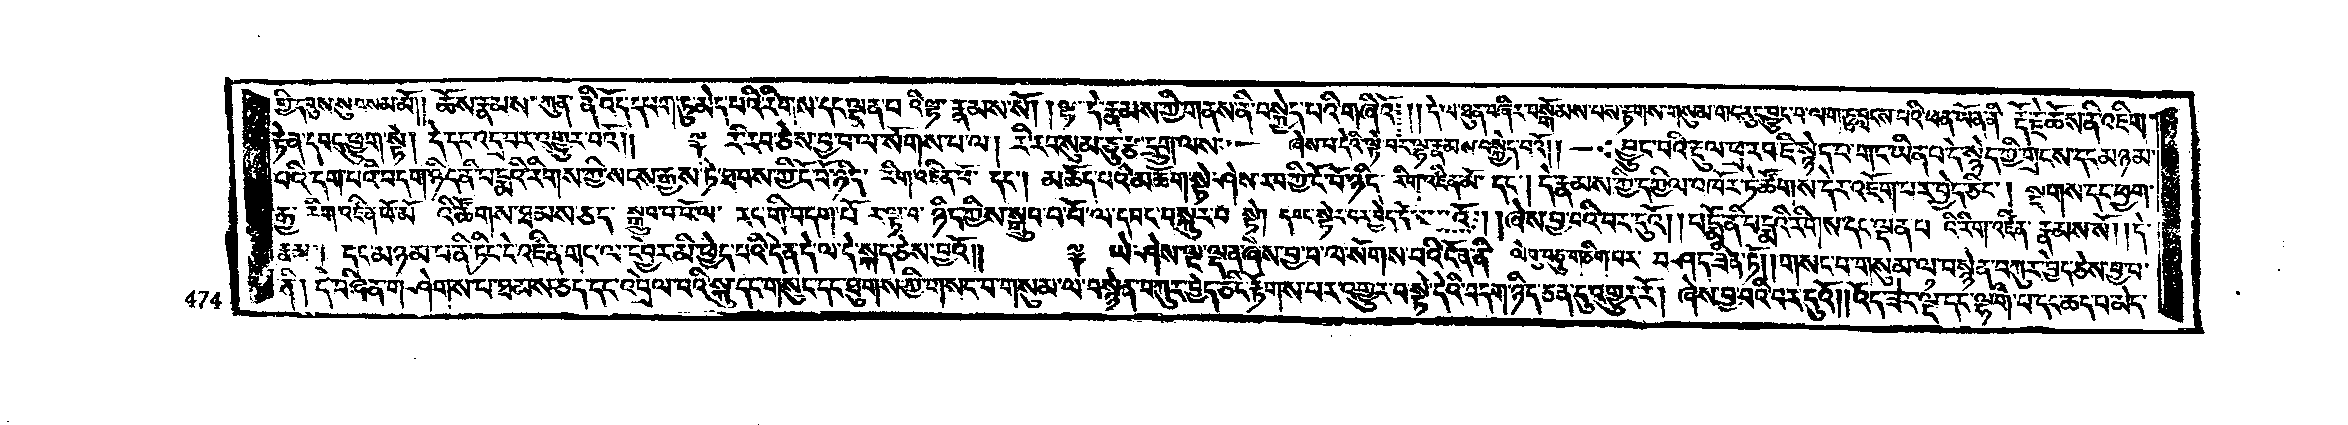གྱི་དབུས་སུ་བསམ་མོ།། ཆོས་རྣམས་ཀུན་ནི་འོད་དཔག་ཏུ་མེད་པའི་རིགས་དང་ལྡན་པའི་ལྷ་རྣམས་སོ། །ལྷ་དེ་རྣམས་ཀྱི་གནས་ནི་བསྐྱེད་པའི་གཞིའོ། ། དེ་ལ་ཐུན་བཞིར་བསྒོམས་པས་རྟགས་གསུམ་གང་རུང་བྱུང་བ་ལག་ཏུ་བླངས་པའི་ཕན་ཡོན་ནི་རྡོ་རྗེ་ཆོས་ནི་འཇིག་
རྟེན་དབང་ཕྱུག་སྟེ། དེ་དང་འདྲ་བར་འགྱུར་བའོ།། ༈ རི་རབ་ཅེས་བྱ་བ་ལ་སོགས་པ་ལ། རི་རབ་སུམ་ཅུ་རྩ་དྲུག་ལས་H.་ཞེས་པ་དེའི་ལྟེ་བར་ལྷ་རྣམ་སྐྱེད་པའོ།། .H བྱུང་བའི་རྡུལ་ཕྲ་རབ་ཇི་སྙེད་པ་གང་ཡིན་པ་དེ་སྙེད་ཀྱི་གྲངས་དང་མཉམ་
པའི་དག་པའི་བདག་ཉིད་ནི་པདམའི་རིགས་ཀྱི་སངས་རྒྱས་ཏེ་ཐབས་ཀྱི་ངོ་བོ་ཉིད་རིག་འཛིན་ཕོ་དང་། མཆོད་པའི་མཆོག་སྟེ་ཤེས་རབ་ཀྱི་ངོ་བོ་ཉིད་རིག་འཛིན་མོ་དང་། དེ་རྣམས་ཀྱི་དཀྱིལ་འཁོར་ཏེ་ཚོགས་དེར་འཇོག་པར་བྱེད་ཅིང་། སྔགས་དང་ཕྱག་
རྒྱ་རིག་འཛིན་ཕོ་མོའི་ཚོགས་ཐམས་ཅད་སྒྲུབ་པ་པོ་ལ་རང་གི་བདག་པོར་ལྟ་བ་ཉིད་ཀྱིས་སྒྲུབ་པ་པོ་ལ་དབང་བསྐུར་བ་སྟེ། དབང་སྟེར་བར་བྱེད་དོའོ། །ཞེས་བྱ་བའི་བར་དུའོ། །པདམོ་ནི་པདམའི་རིགས་དང་ལྡན་པའི་རིག་འཛིན་རྣམས་སོ། །དེ་
རྣམས་དང་མཉམ་པ་ནི་ཏིང་ངེ་འཛིན་གང་ལ་དབྱེར་མི་ཕྱེད་པའི་དོན་དེ་ལ་དེ་སྐད་ཅེས་བྱའོ།། ༈ ཡེ་ཤེས་ལྔ་ལྡན་ཞེས་བྱ་བ་ལ་སོགས་པའི་དོན་ནི་ལེའུ་བཅུ་གཅིག་པར་བཤད་ཟིན་ཏོ། །གསང་བ་གསུམ་ལྟ་བསྙེན་བཀུར་བྱེད་ཅེས་བྱ་བ་
ནི། དེ་བཞིན་གཤེགས་པ་ཐམས་ཅད་དང་འབྲེལ་བའི་སྐུ་དང་གསུང་དང་ཐུགས་ཀྱི་གསང་བ་གསུམ་ལ་བསྙེན་བཀུར་བྱེད་ཅིང་རྟོགས་པར་འགྱུར་བ་སྟེ་དེའི་བདག་ཉིད་ཅན་དུ་འགྱུར་རོ། །ཞེས་བྱ་བའི་བར་དུའོ། །འོད་ཟེར་ལྔ་དང་ལྷག་པ་དང་ཆད་པ་མེད་